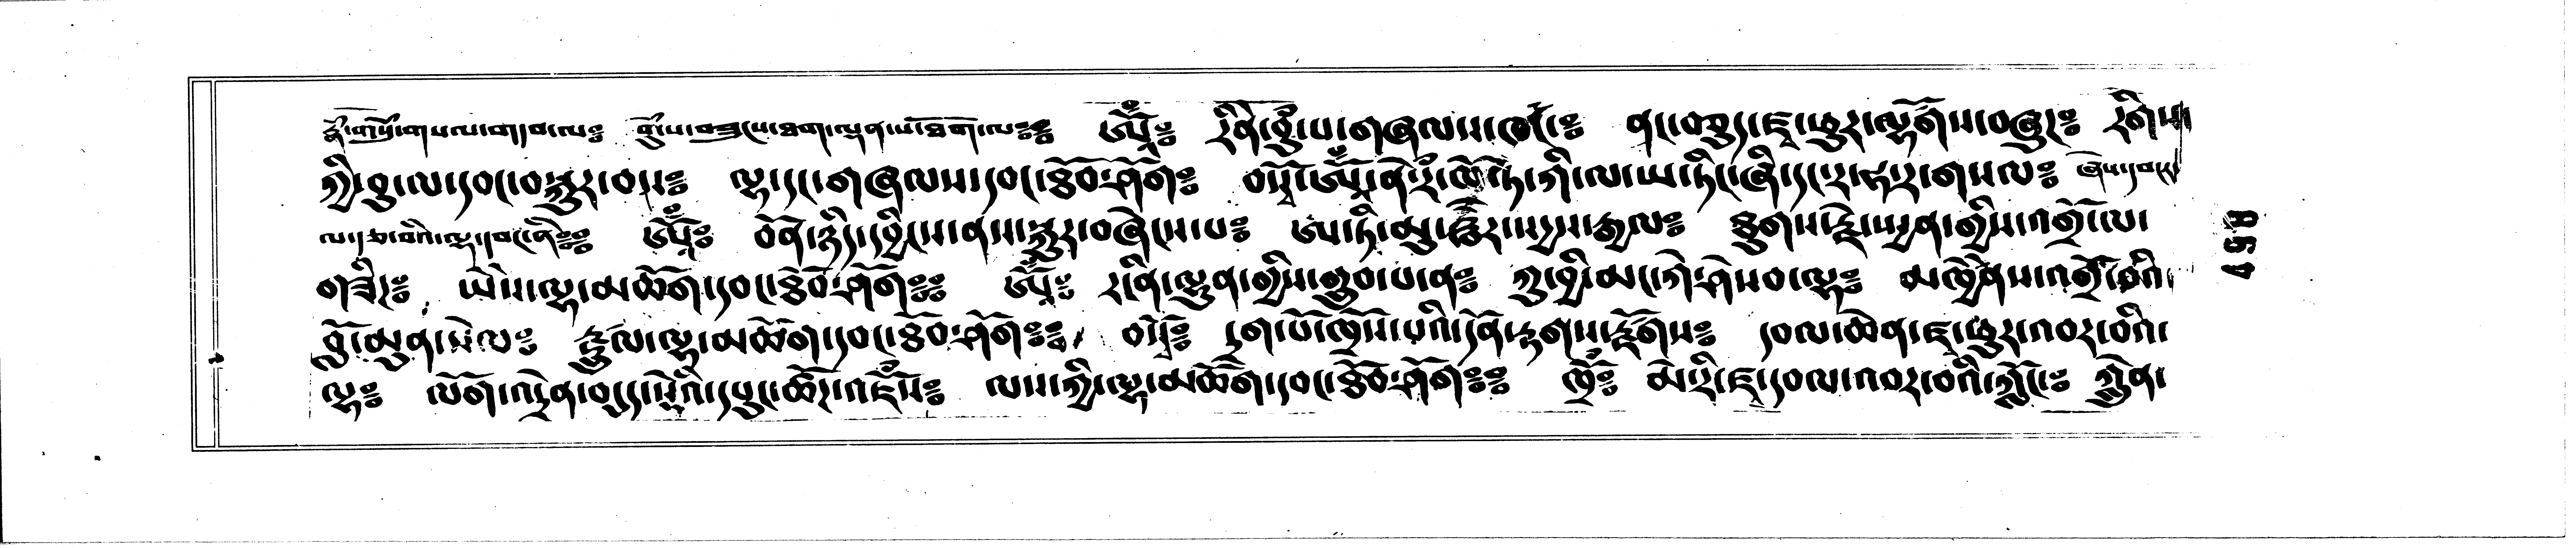རྣམ་གསུམ་གསལ་གདབ་ལ༔བུམ་པ་གཟུངས་ཐག་ལྡན་པ་ཐོགས་ལ༔ ཨཱོཾ༔རིན་ཆེན་བུམ་པ་གཞལ་ཡས་ཁང་༔ནང་བཅུད་ཛྭ་ཕུར་ལྷ་ཚོགས་བཞུགས༔རིགས་
ཀྱི་བུ་ལ་དབང་བསྐུར་བས༔ལྷ་དང་གཞལ་ཡས་དབང་ཐོབ་ཤོག༔བསྭོ་ཨཱོཾ་ནེ་རམ་ཁྲོ་ཏ་ཀི་ལ་ཡ་ཏིང་ཞི་དང་ར་ཧ་ར་གསལ༔ཞེས་དབང་བསྐུར་
ལ་རྩ་བའི་ལྷ་དབང་ནི༔༔ ཨཱོཾ༔བོན་ཉིད་དབྱིངས་ནས་སྐུར་བཞེངས་པ༔ཨ་ཏི་མུ་ཝེར་སངས་རྒྱས་རྒྱལ༔ཐུགས་རྗེ་སྤྱན་གྱིས་འགྲོ་ལ་
གཟིགས༔ཡེ་ཤེས་ལྷ་མཆོག་དབང་ཐོབ་ཤོག༔༔ཨཱོཾ༔རང་བཞིན་ལྷུན་གྱིས་གྲུབ་པ་ན༔ཀུ་བྱི་མང་ཀེ་ཤེས་རབ་ལྷ༔མཁྱེན་བརྩེས་འགྲོ་བའི་
བློ་མུན་སེལ༔རྫུ་འཕྲུལ་ལྷ་མཆོག་དབང་ཐོབ་ཤོག༔༔བསྭོ༔དྲག་པོ་ཁྲོས་པའི་དོན་རྟགས་རྫོགས༔དབལ་ཆེན་ཛྭ་ཕུར་འབར་བའི་
ལྷ༔ལོག་འདྲེན་བདུད་སྡེའི་དཔུང་ཚོགས་འཇོམས༔ལས་ཀྱི་ལྷ་མཆོག་དབང་ཐོབ་ཤོག༔༔ཁྲོཾ༔མེ་རི་ཛྭ་དབལ་འབར་བའི་ཀློང་༔ཀླུ་ཆེན་